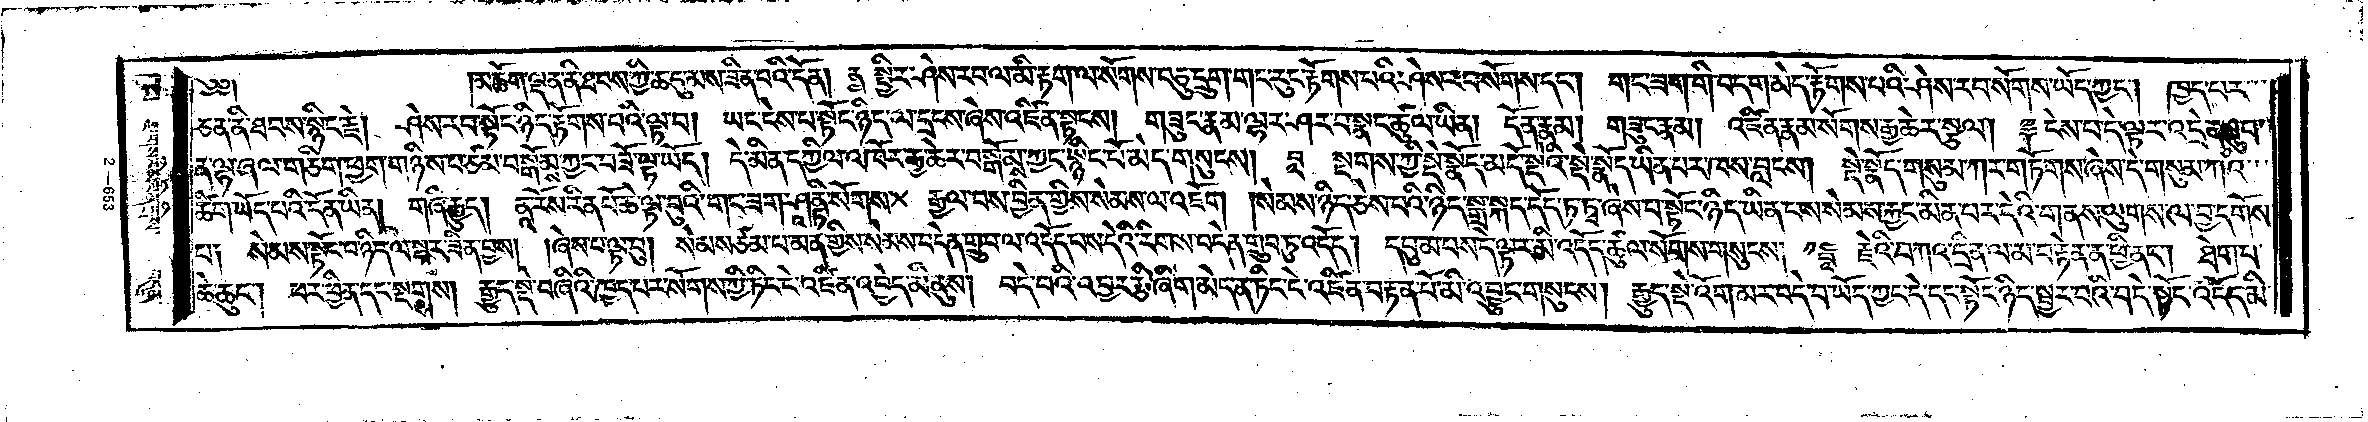༄༅། །མཆོག་ལྡན་ནི་ཐབས་ཀྱི་ཆ་དུ་མས་ཟིན་བའི་དོན། ན༤་སྤྱིར་ཤེས་རབ་ལ་མི་རྟག་ལ་སོགས་བཅུ་དྲུག་གང་རུང་རྟོགས་པའི་ཤེས་རབ་སོགས་དང་། གང་ཟག་གི་བདག་མེད་རྟོགས་པའི་ཤེས་རབ་སོགས་ཡོད་ཀྱང་། ཁྱད་པར་
ཅན་ནི་ཐབས་སྙིང་རྗེ། ཤེས་རབ་སྟོང་ཉིད་རྟོགས་པའི་ལྟ་བ། ཡང་ངེས་པ་སྟོང་ཉིད་ལ་དྲངས་ཞེས་འཛིན་སྟངས། གཟུང་རྣམ་ལྷར་ཤར་བ་སྣང་ཚུལ་ཡིན། དོན་རྣམ། གཟུང་རྣམ། འཛིན་རྣམ་སོགས་རྒྱ་ཆེར་སྩལ། ༈ ངེས་པ་དེ་ལྟར་འདྲེན་ཐུབ་
ན་ལྟ་ཞལ་གཅིག་ཕྱག་གཉིས་པ་ཙམ་བསྒོམས་ཀྱང་བཟོ་ལྟ་ཡོད། དེ་མིན་དཀྱིལ་འཁོར་རྒྱ་ཆེར་བསྒྲོམས་ཀྱང་སྙིང་པོ་མེད་གསུངས། བ༢་སྔགས་ཀྱི་སྡེ་སྣོད་མདོ་སྡེའི་སྡེ་སྣོད་ཡིན་པར་ཁས་བླངས། སྡེ་སྣོད་གསུམ་ཀར་གཏོགས་ཞེས་དེ་གསུམ་ཀའི་
ཚིག་ཡོད་པའི་དོན་ཡིན། གཞི་རྒྱུད། ནཱ་རོས་རིན་པོ་ཆེ་ལྟ་བུའི་གང་ཟག་ཤཱནྟི་སོགས་྾་རྒྱལ་བས་བྱིན་གྱིས་སེམས་ལ་འཇོག །སེམས་ཉིད་ཅེས་པའི་ཉིད་སྒྲ་སྐད་དོད་ཏ་ཏྭ་ཞེས་པ་སྟོང་ཉིད་ཡིན་པས་སེམས་རྐྱང་མིན་པར་དེའི་གནས་ལུགས་ལ་བྱ་དགོས་
པ༑ སེམས་སྟོང་བ་ཉིད་ལ་སྦར་ཟིན་བྱས། །ཞེས་པ་ལྟ་བུ། སེམས་ཙམ་པ་མན་གྱིས་སེམས་བདེན་གྲུབ་ལ་འདོད་པས་དེའི་རིགས་བདེན་གྲུབ་ཏུ་འདོད། དབུ་མ་པས་དེ་ལྟར་མི་འདོད་ཚུལ་སོགས་གསུངས། ༡༤བའ་རྗེའི་བཀའ་དྲིན་ལམ་བརྟེན་ན་ཕྱི་ནང་། ཐེག་པ་
ཆེ་ཆུང་། ཕར་ཕྱིན་དང་སྔགས། རྒྱུད་སྡེ་བཞིའི་ཁྱད་པར་སོགས་ཀྱི་ཏིང་ངེ་འཛིན་འབྱེད་མི་ནུས། བདེ་བའི་འབྱར་རྩི་ཞིག་མེད་ན་ཏིང་ངེ་འཛིན་བརྟན་པོ་མི་འབྱུང་གསུངས། རྒྱུད་སྡེ་འོག་མར་བདེ་བ་ཡོད་ཀྱང་དེ་དང་སྟོང་ཉིད་སྦྱར་པའི་བདེ་སྟོང་འདོད་མི་